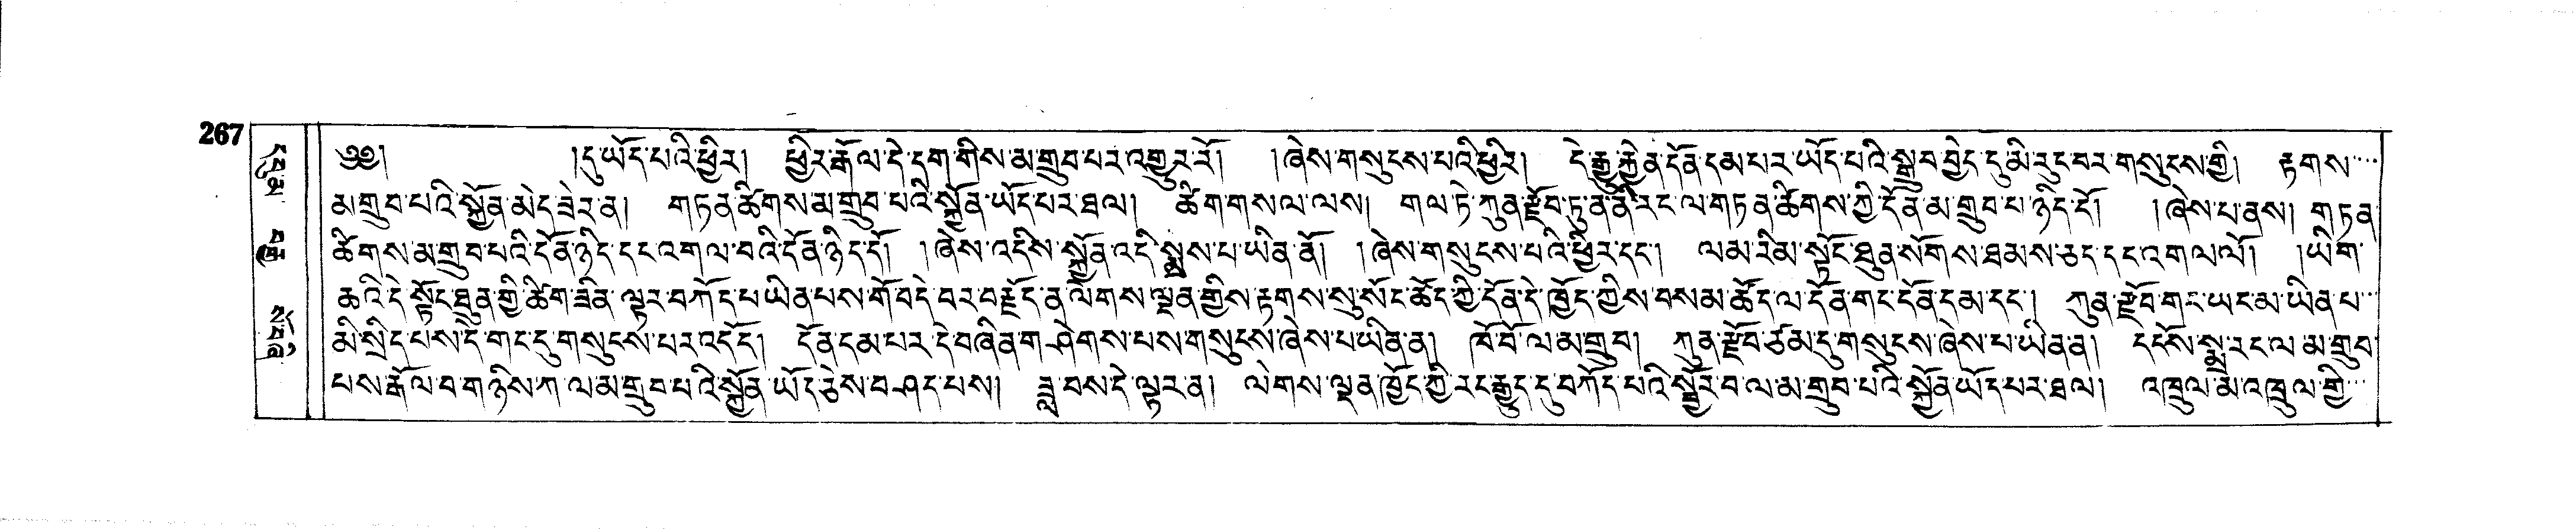༄༅། །དུ་ཡོད་པའི་ཕྱིར། ཕྱིར་རྒོལ་དེ་དག་གིས་མ་གྲུབ་པར་འགྱུར་རོ། །ཞེས་གསུངས་པའི་ཕྱིར། དེ་རྒྱུ་རྐྱེན་དོན་དམ་པར་ཡོད་པའི་སྒྲུབ་བྱེད་དུ་མི་རུང་བར་གསུངས་ཀྱི། རྟགས་
མ་གྲུབ་པའི་སྐྱོན་མེད་ཟེར་ན། གཏན་ཚིགས་མ་གྲུབ་པའི་སྐྱོན་ཡོད་པར་ཐལ། ཚིག་གསལ་ལས། གལ་ཏེ་ཀུན་རྫོབ་ཏུ་ན་ནི་རང་ལ་གཏན་ཚིགས་ཀྱི་དོན་མ་གྲུབ་པ་ཉིད་དོ། །ཞེས་པ་ནས། གཏན་
ཚིགས་མ་གྲུབ་པའི་དོན་ཉིད་དང་འགལ་བའི་དོན་ཉིད་དོ། །ཞེས་འདིས་སྐྱོན་འདི་སྨྲས་པ་ཡིན་ནོ། །ཞེས་གསུངས་པའི་ཕྱིར་དང་། ལམ་རིམ་སྟོང་ཐུན་སོགས་ཐམས་ཅད་དང་འགལ་ལོ། །ཡིག་
ཆའི་དེ་སྟོང་ཐུན་གྱི་ཚིག་ཟིན་ལྟར་བཀོད་པ་ཡིན་པས་གོ་བདེ་བར་བརྗོད་ན་ལེགས་ལྡན་གྱིས་རྟགས་སུ་སོང་ཚོད་ཀྱི་དོན་དེ་ཁྱོད་ཀྱིས་བསམ་ཚོད་ལ་དོན་གང་དོན་དམ་དང་། ཀུན་རྫོབ་གང་ཡང་མ་ཡིན་པ་
མི་སྲིད་པས་དེ་གང་དུ་གསུངས་པར་འདོད། དོན་དམ་པར་དེ་བཞིན་གཤེགས་པས་གསུངས་ཞེས་པ་ཡིན་ན། ཁོ་བོ་ལ་མ་གྲུབ། ཀུན་རྫོབ་ཙམ་དུ་གསུངས་ཞེས་པ་ཡིན་ན། དངོས་སྨྲ་རང་ལ་མ་གྲུབ་
པས་རྒོལ་བ་གཉིས་ཀ་ལ་མ་གྲུབ་པའི་སྐྱོན་ཡོད་ཅེས་བཤད་པས། ཟླ་བས་དེ་ལྟར་ན། ལེགས་ལྡན་ཁྱོད་ཀྱི་རང་རྒྱུད་དུ་བཀོད་པའི་སྦྱོར་བ་ལ་མ་གྲུབ་པའི་སྐྱོན་ཡོད་པར་ཐལ། འཁྲུལ་མ་འཁྲུལ་གྱི་